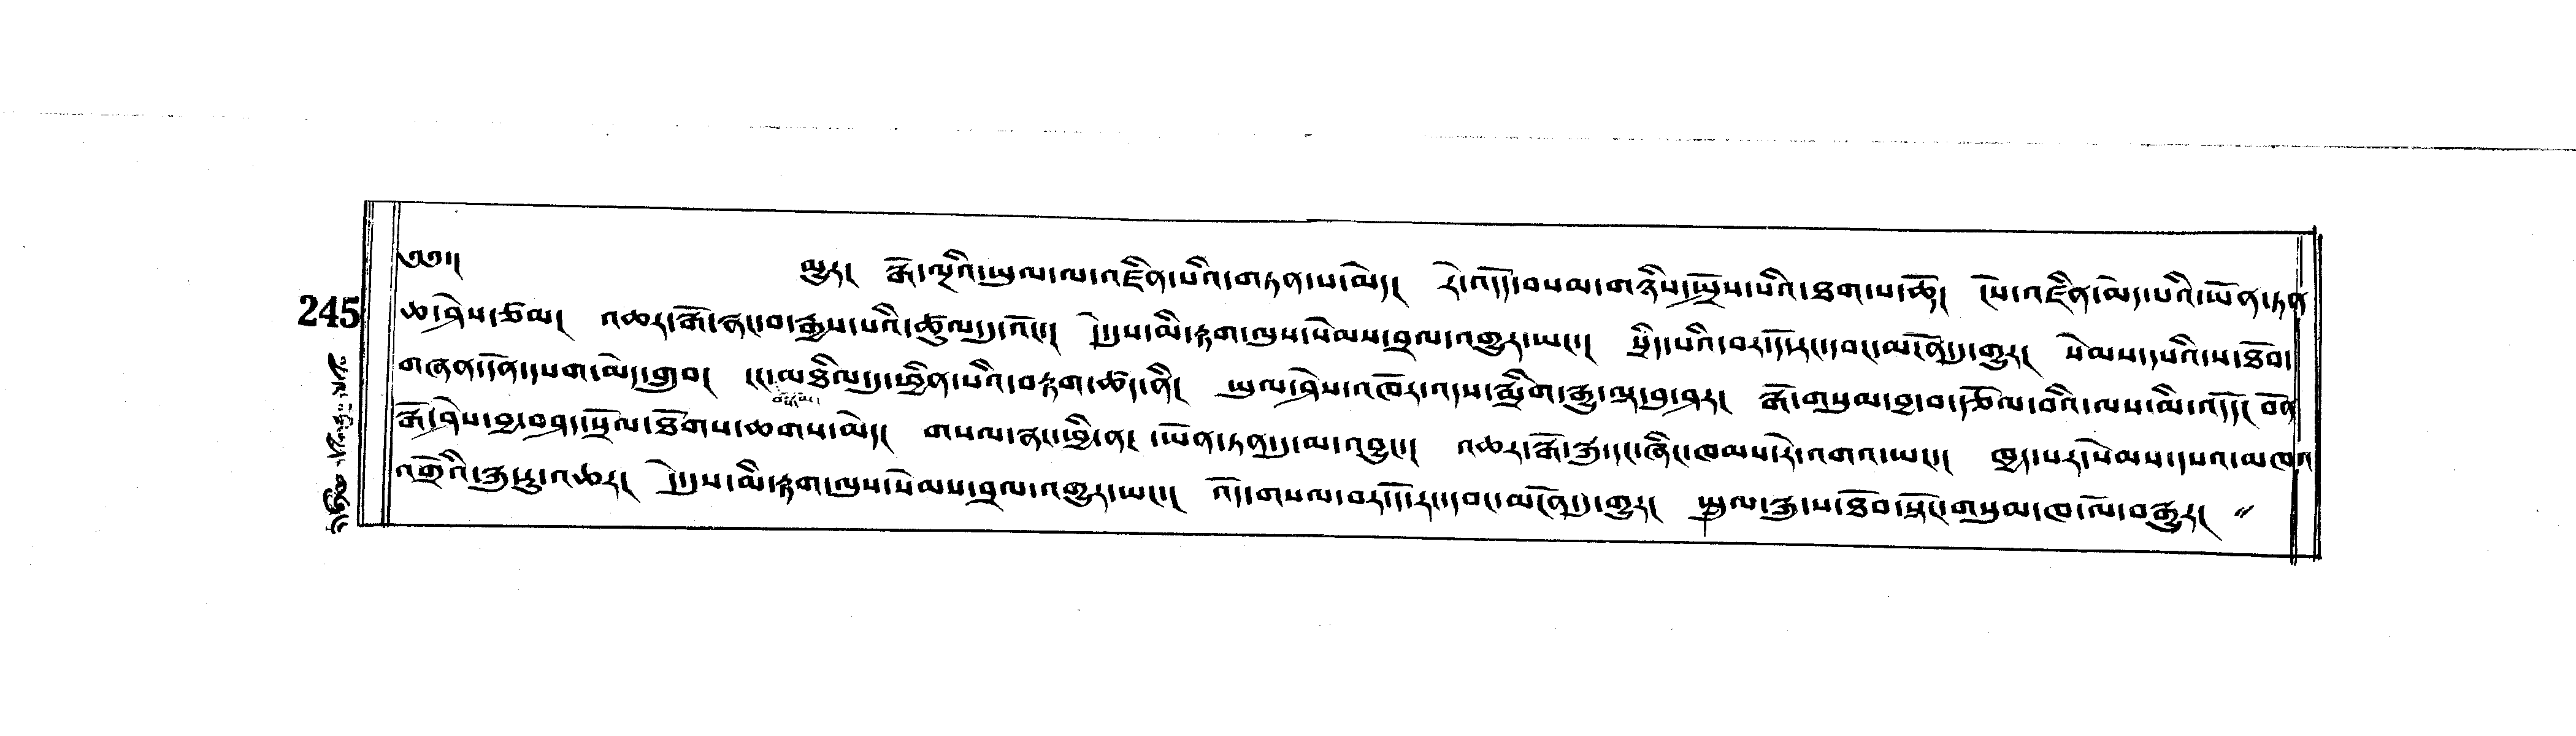མྱུར། སྒོ་ལྔའི་ཡུལ་ལ་འཛིན་པའི་གཏན་པ་མེད། རེ་འདོད་བསམ་གཉིས་སྤྲོས་པའི་ཐག་པ་ཆོད། ངོས་འཛིན་མེད་པའི་ཡོན་ཏན་
ཆ་ཤས་ཙམ། འཆར་སྒོ་སྣང་བ་རྒྱས་པའི་ཚུལ་དུ་འོང་། དེ་དུས་མི་རྟག་ལུས་སེམས་བྲལ་འགྱུར་ཡང་། སྲིད་པའི་བར་དོ་རང་དབང་མངོན་དུ་གྱུར། སེམས་དཔའི་ས་ཐོབ་
རང་དབང་དཔག་མེད་གྲུབ། ༧ ངང་སྒོམ་མཐིལ་དུ་ཕྱིན་པའི་རྟགས་ཚད་ནི། ཡུལ་ཤེས་འཁོར་འདས་སྨྲིག་སྒྱུ་ལྟ་བུ་ཤར། སྒོ་གསུམ་བྱ་བ་རྩོལ་བའི་ལས་མི་འདོད། བོན་
སྒོ་ཤེས་བྱ་བཤད་སྲོལ་ཐོགས་ཆགས་མེད། གསལ་སྣང་ཕྱི་ནང་ཡོན་ཏན་དུ་མ་འབྱུང་། འཆར་སྒོ་སྐུ་དང་ཞིང་ཁམས་རེ་འགའ་ཡང་། ཁྱད་པར་སེམས་པ་མཁའ་
འགྲོའི་སྐུ་རུ་འཆར། དེ་དུས་མི་རྟག་ལུས་སེམས་བྲལ་འགྱུར་ཡང་། འོད་གསལ་བར་དོ་རང་དབང་མངོན་དུ་གྱུར། སྤྲུལ་སྐུ་ས་ཐོབ་སྟོང་གསུམ་ཁ་ལོ་བསྒྱུར།